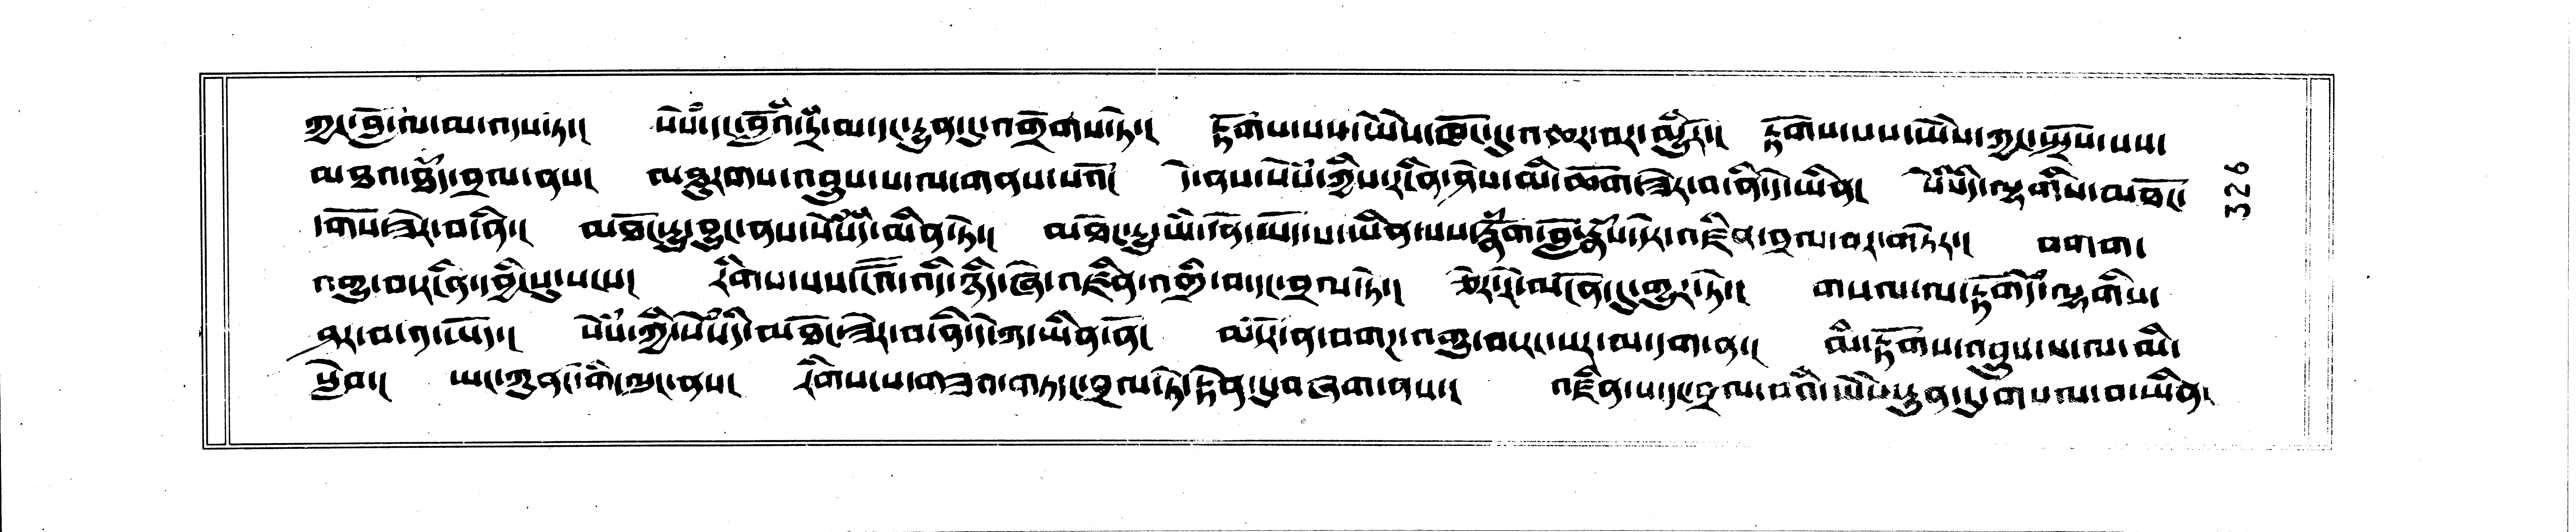ཀྱང་བློ་ལ་འདས་ཏེ། སེམས་ཀྱང་བློ་ཡི་དྲི་མ་ཅིག་དང་རྒྱུན་དུ་འགྲོགས་ཏེ། རྟོགས་པའི་ཡེ་ཤེས་ཁོང་ནས་འཆར་བར་མི་གྱུར་རོ། རྟོགས་པའི་ཡེ་ཤེས་ཀྱང་། སྤྲོ་བའི་༼སྤྲོས་པའི༽
མཐའ་ཐམས་ཅད་དང་བྲལ་ནས། མཐར་ཐུགས་འབྲས་བུ་ཡི་ས་ལ་གནས་པའོ། དེ་ནས་སེམས་ཀྱིས་རང་བཞིན་ཤེས་པས་མི་ཆོག་ཟེར་བ་ནི་དེ་ཡིན་ནོ། སེམས་ཉིད་ལྷགས་ཀྱིས་མཐོང་
དགོས་ཟེར་བ་ནི། མཐོང་རྒྱུ་བྱུང་ན་སེམས་ཉིད་མིན་ཏེ། མཐོང་རྒྱུ་མེད་པའི་དོན་ཅིག་མཐོང་པ་ཡིན་པས། རྣམ་རྟོག་བློ་རྣམས་དེར་འཛིན་བྲལ་བས་སྟོང་། བག་ཆགས་
འགྱུ་བ་རང་བཞིན་དབྱིངས་སུ་སངས། རིག་པའི་ངོའོ་དེ་ཉིད་ཞེ་འཛིན་འཁྲི་བ་དང་བྲལ། རྗེན་ཅེ་རེ་མངོན་དུ་གྱུར་ཏེ། གསལ་ལ་རྟོག་མེད་ལྷགས་ཀྱི་
ཤར་བ་ཅིག་ཡོད། སེམས་ཀྱིས་སེམས་ཉིད་མཐོང་ཟེར་བ་ནི། དེ་ཀ་ཡིན་ནོ། མདོར་ན་བག་ཆགས་འགྱུ་བ་རང་སར་མ་ཟད་ན། མི་ལྡོག་འབྲས་བུ་ཡི་ས་ལ་མི་
སླེབ། ཡང་ཀུན་བཟང་གིས་ལུང་ནས་ཀྱང་། རིག་པ་གཟའ་གཏད་དང་བྲལ་ཏེ་གཏན་མེད་དུ་བཞགས་ན་འཛིན་པ་དང་བྲལ་བའི་ཡེ་ཤེས་རྒྱུན་དུ་གསལ་བ་ཡིན།